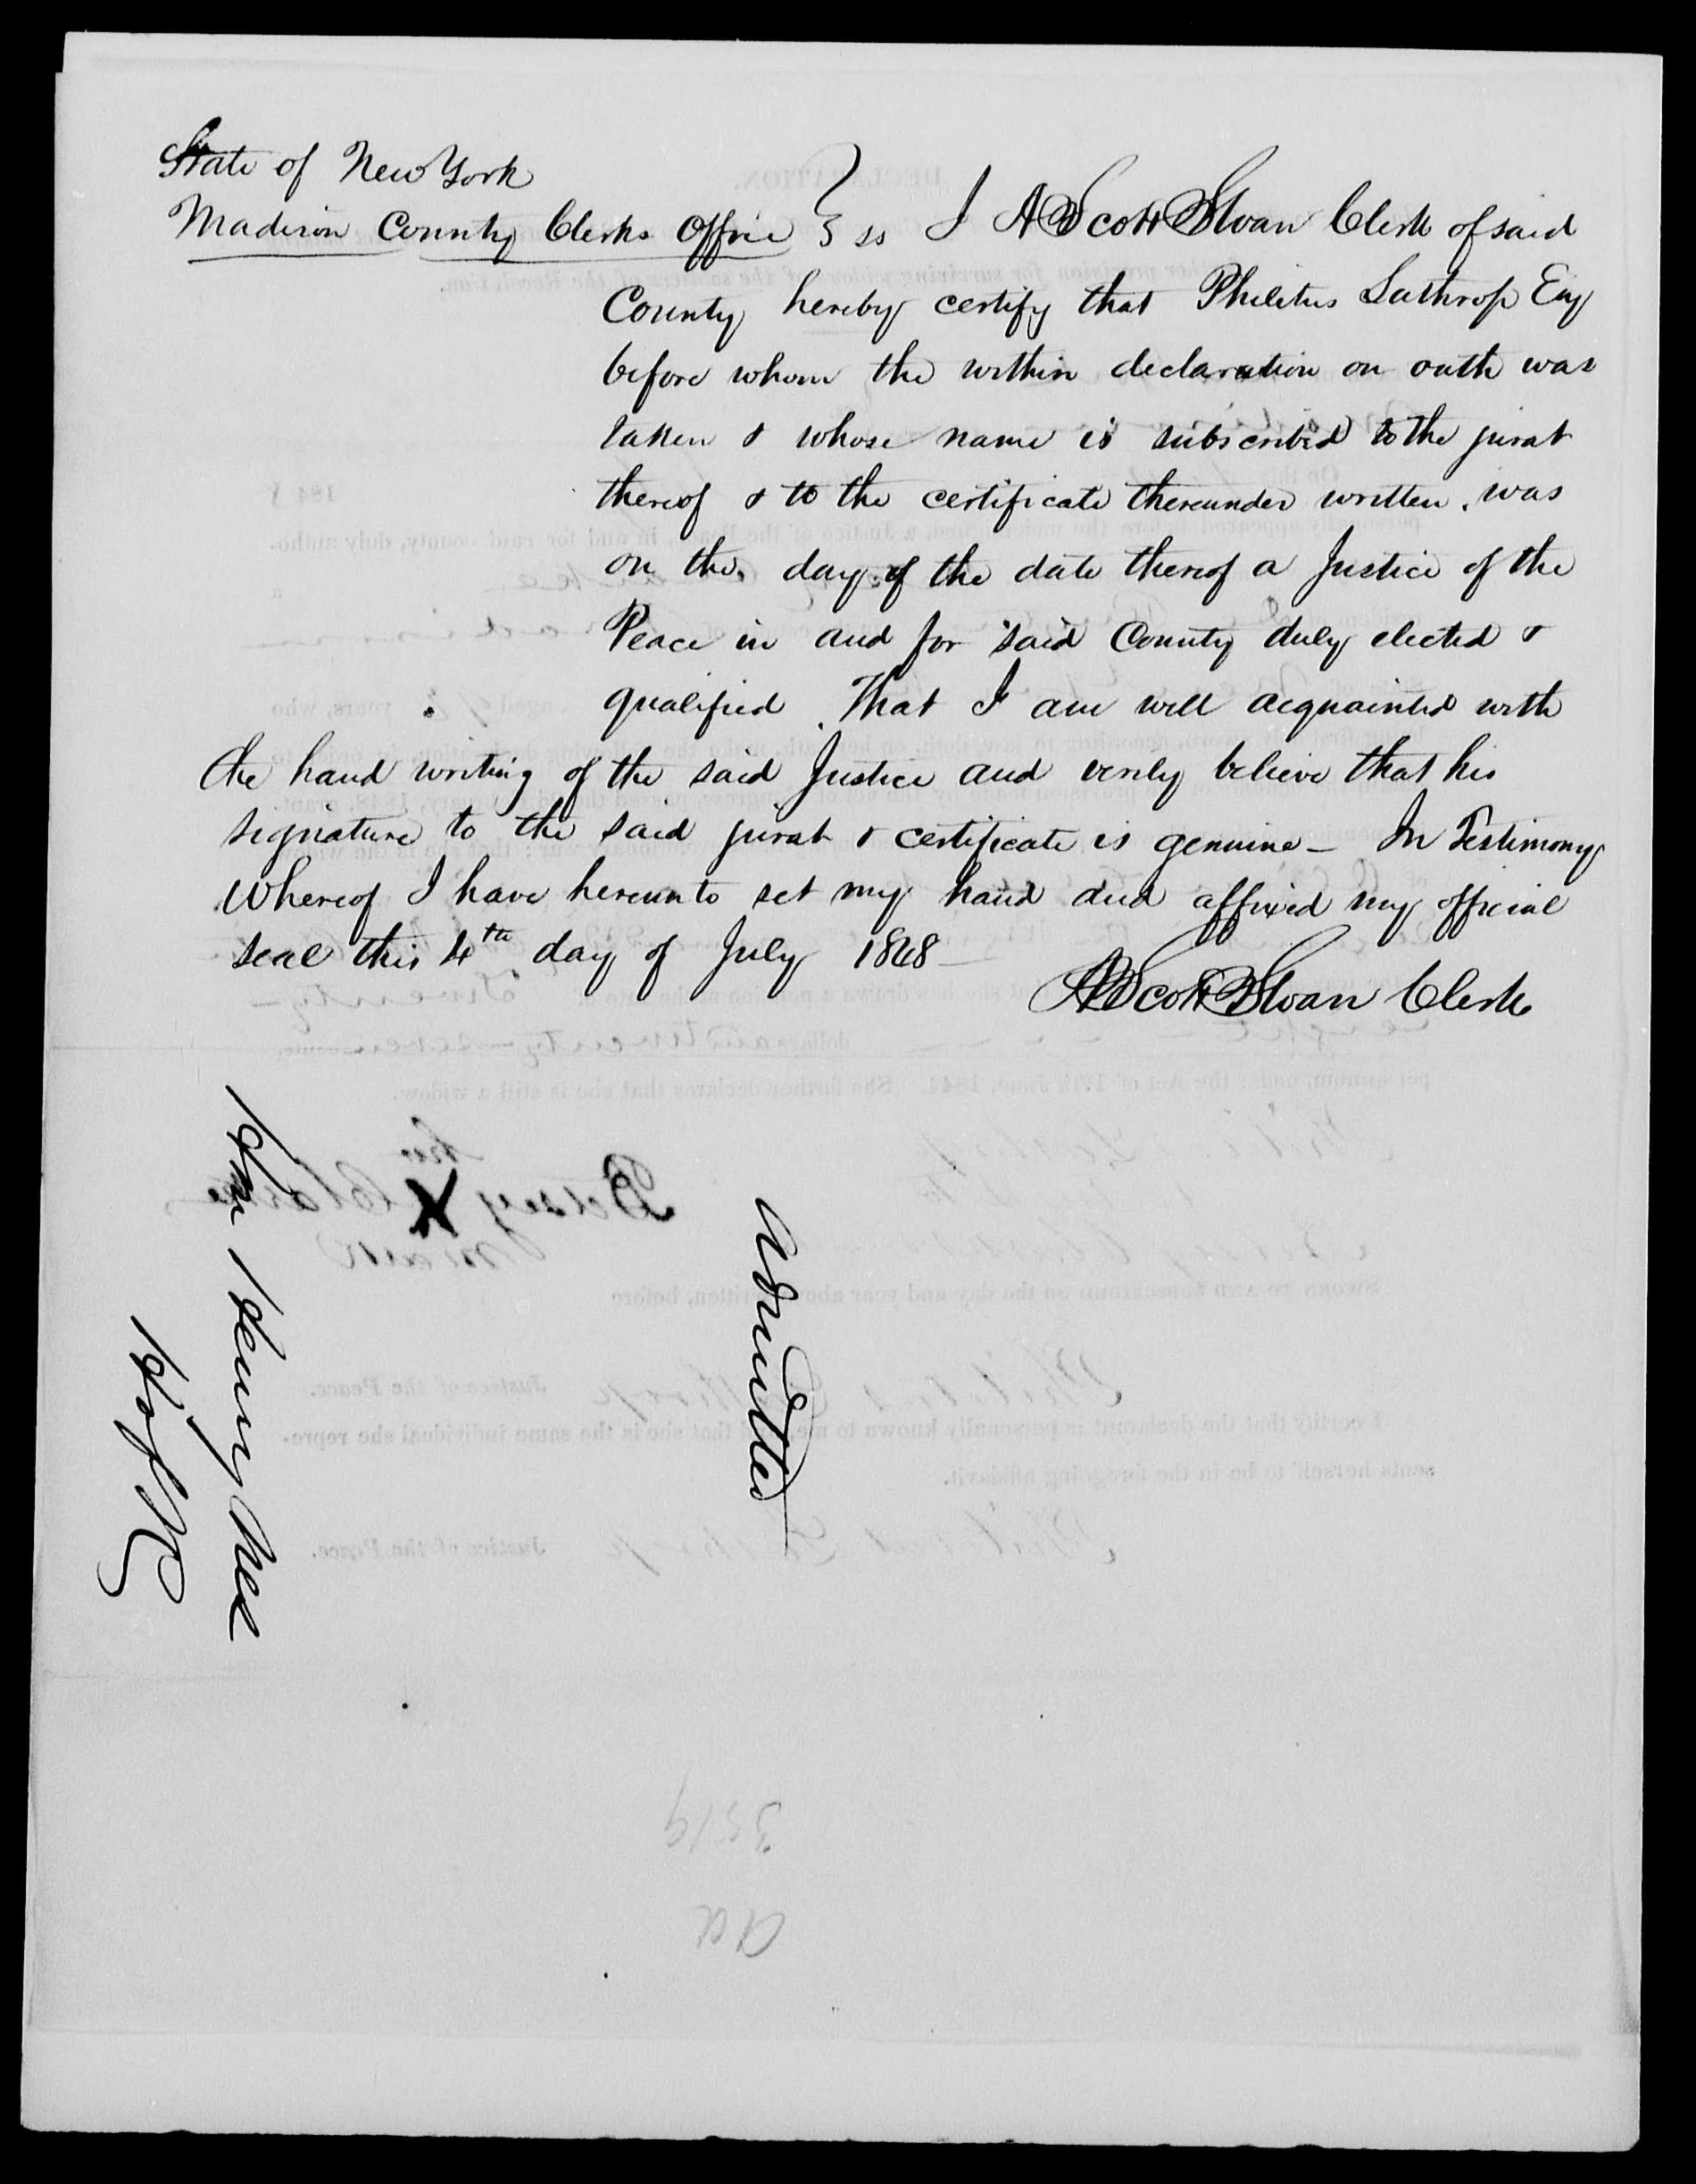[handwritten]
State of New York
Madison County Clerks Office} ss.
I A Scott Sloan Clerk of said County hereby certify that Philetus Lathrop Esq before whom the within declaration on oath was taken & whose name is subscribed to the [illegible] thereof & to the certificate thereunder written was on the day of the date thereof a Justice of the Peace in and for said county, duly elected & qualified. That I am well acquainted with the hand writing of the said Justice and verily believe that his signature to the said [illegible] & certificate is genuine _ In Testimony whereof I have hereunto set my hand and affixed my official seal this 4th day of July 1848.
[signed]
A Scott Sloan Clerk

[vertical writing]
Admitted
[illegible] Henry [illegible]
[illegible]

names: Philetus Lathrop, A Scott Sloan, A Scott Sloan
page: 39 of 51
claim: widow's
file: W. 23816, Oliver Clark, Conn.